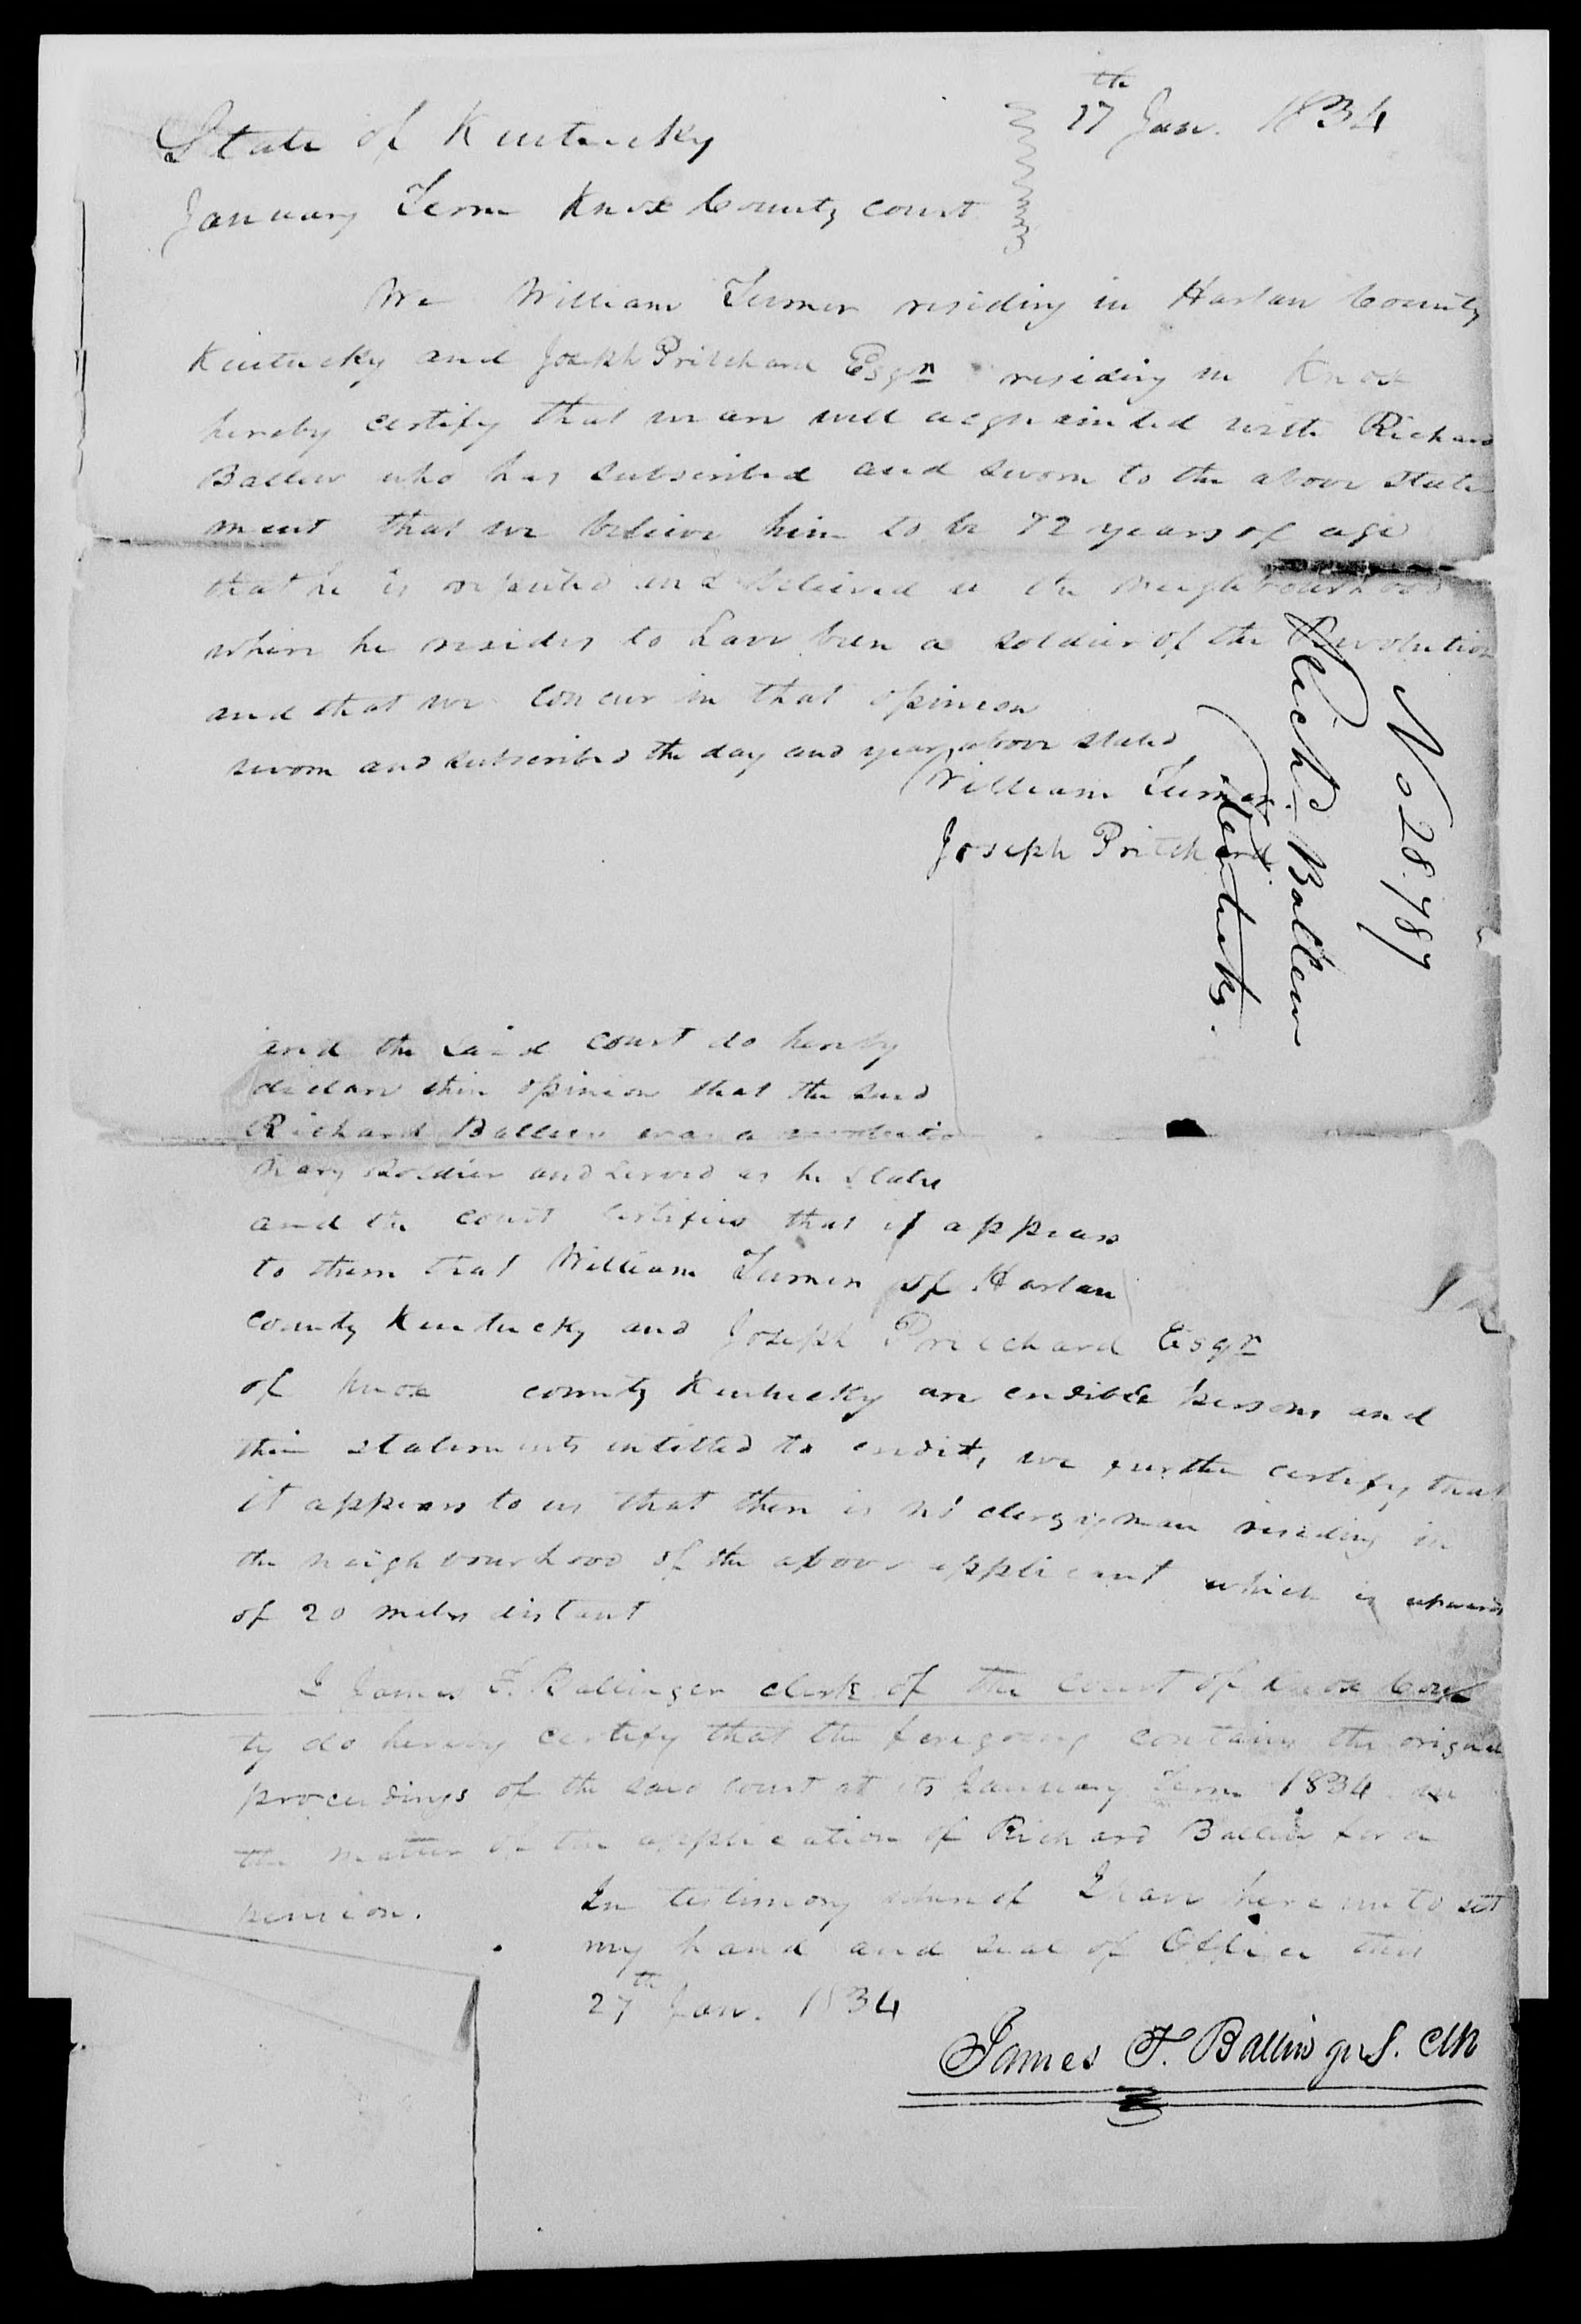17th Jan. 1834
State of Kentucky
January Term Knox County Court

We William Tumer residing in Harlan County
Kentucky and Joseph Pritchard Esq. residing in Knox 
hereby certify that we are well acquainted with Richard
Ballew who has subscribed and sworn to the above 
statement that we believe him to be 72 years of age
that he is reputed and believed in the neighborhood
where he resides to have been a soldier of the Revolution
and that we concur in that opinion.
Sworn and subscribed the day and year above states 
(signature of William Tumer)
(signature of Joseph Pritchard)

and the said court do hereby declare their opinion that the said Richard Ballew was a revolutionary soldier and served as he states and the court testifies that it appears
to them that William Tumer of Harlan
County Kentucky and Joseph Pritchard Esq.
of Knox county Kentucky are credible persons and
their statements entitled to credit, we further certify that
it appears to us that there is no clergyman residing in
the neighbouorhood of the above applicant which is
upwards of 20 miles distant.

I James F. Ballinger clerk of the court of Knox County 
do hereby certify that the foregoing contains the original
proceedings of the said court at its January Term 1834 in
the matter of the application of Richard Ballew for a pension.
In testimony whereof I have hereunto set
my hand and seal of office this 27th Jan. 1834
(signature of James F. Ballinger)  Clk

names: Joseph Pritchard, Joseph Pritchard, William Termer, William Termer, Richard Ballew, Richard Ballew, James F Ballinger, Mary Bucklin, William Termer, Richard Ballew, Joseph Pritchard, Richd Ballew, James F Ballinger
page: 12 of 33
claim: survivor's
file: S. 15305, Richard Ballew, N.C.